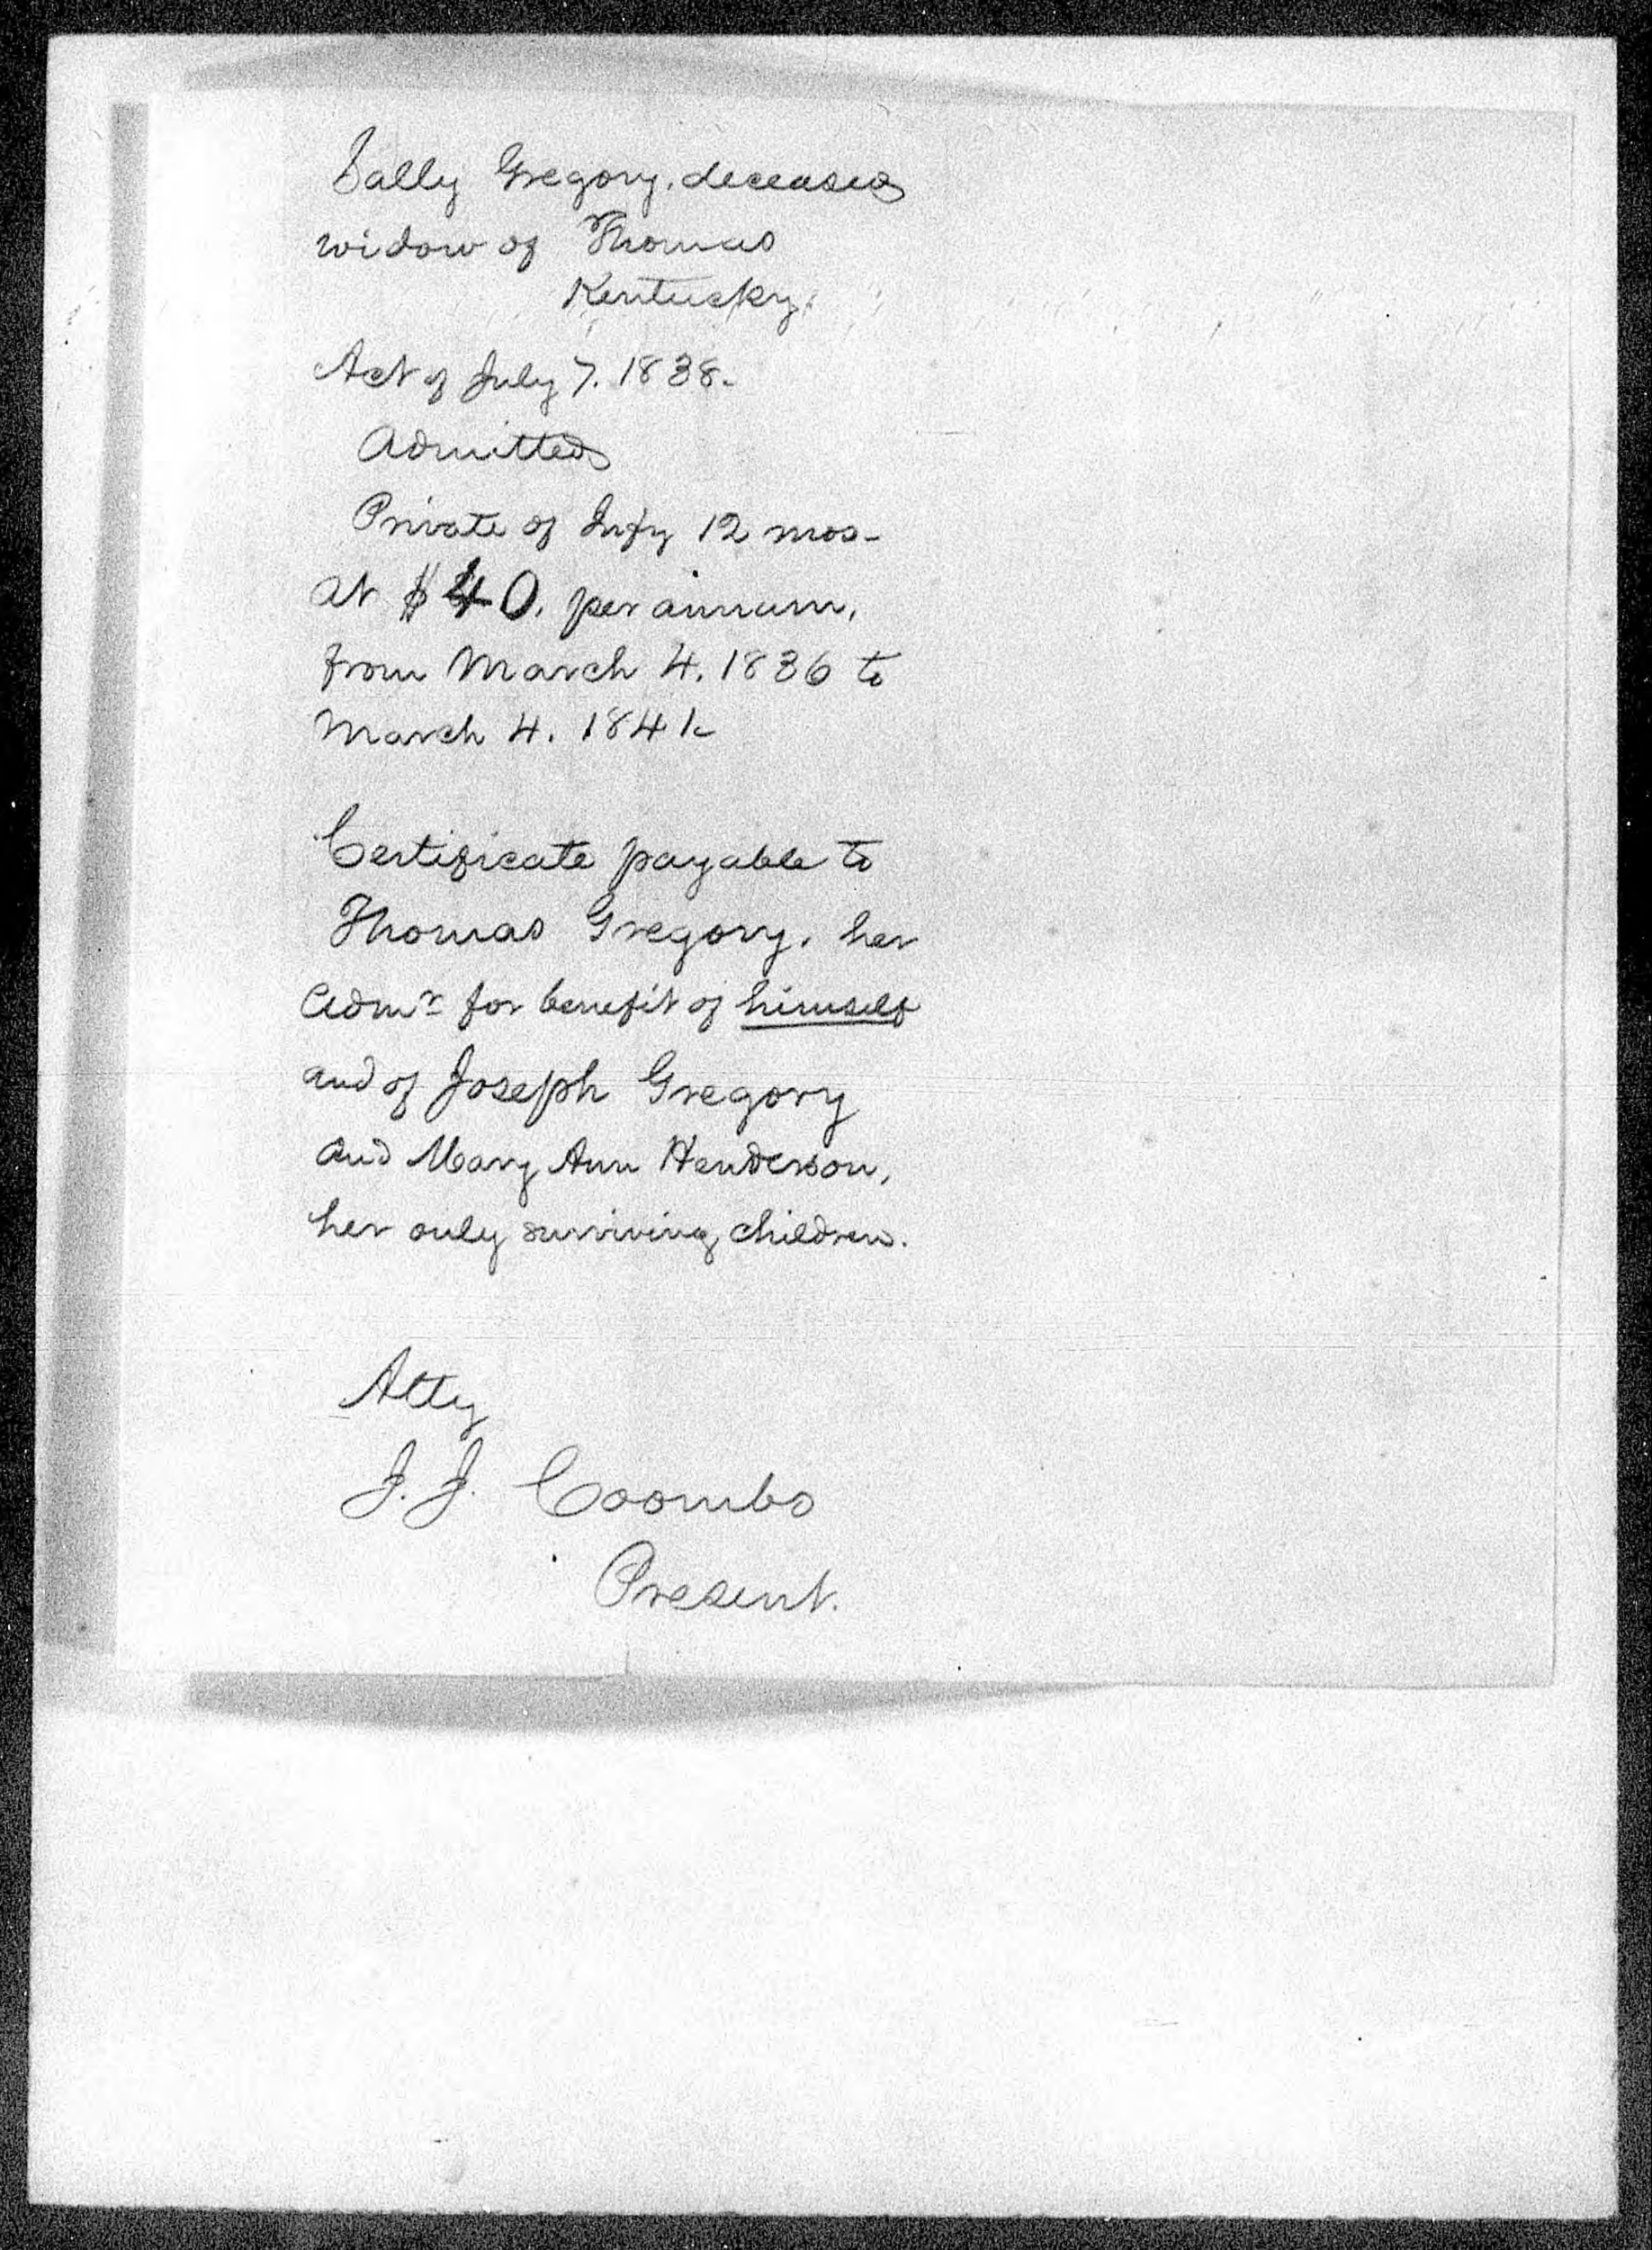Sally Gregory, deceased widow of
Thomas Kentucky
Act of July 7. 1838
Admitted
Private of Infy 12 mos
at $40 per annum,
from March 4, 1836 to
March 4. 1841
Certificate payable to
Thomas Gregory, her
Admr. for benefit of  himself 
and of Joseph Gregory
and Mary Ann Henderson,
her only surviving children.
Atty
J.J. Coombs
Present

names: J J Coombs, Sally Gregory, Mary Ann Henderson, Thomas Gregory, Joseph Gregory, Thomas Gregory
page: 19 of 75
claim: widow's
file: W. 8876, Thomas Gregory, Continental Va